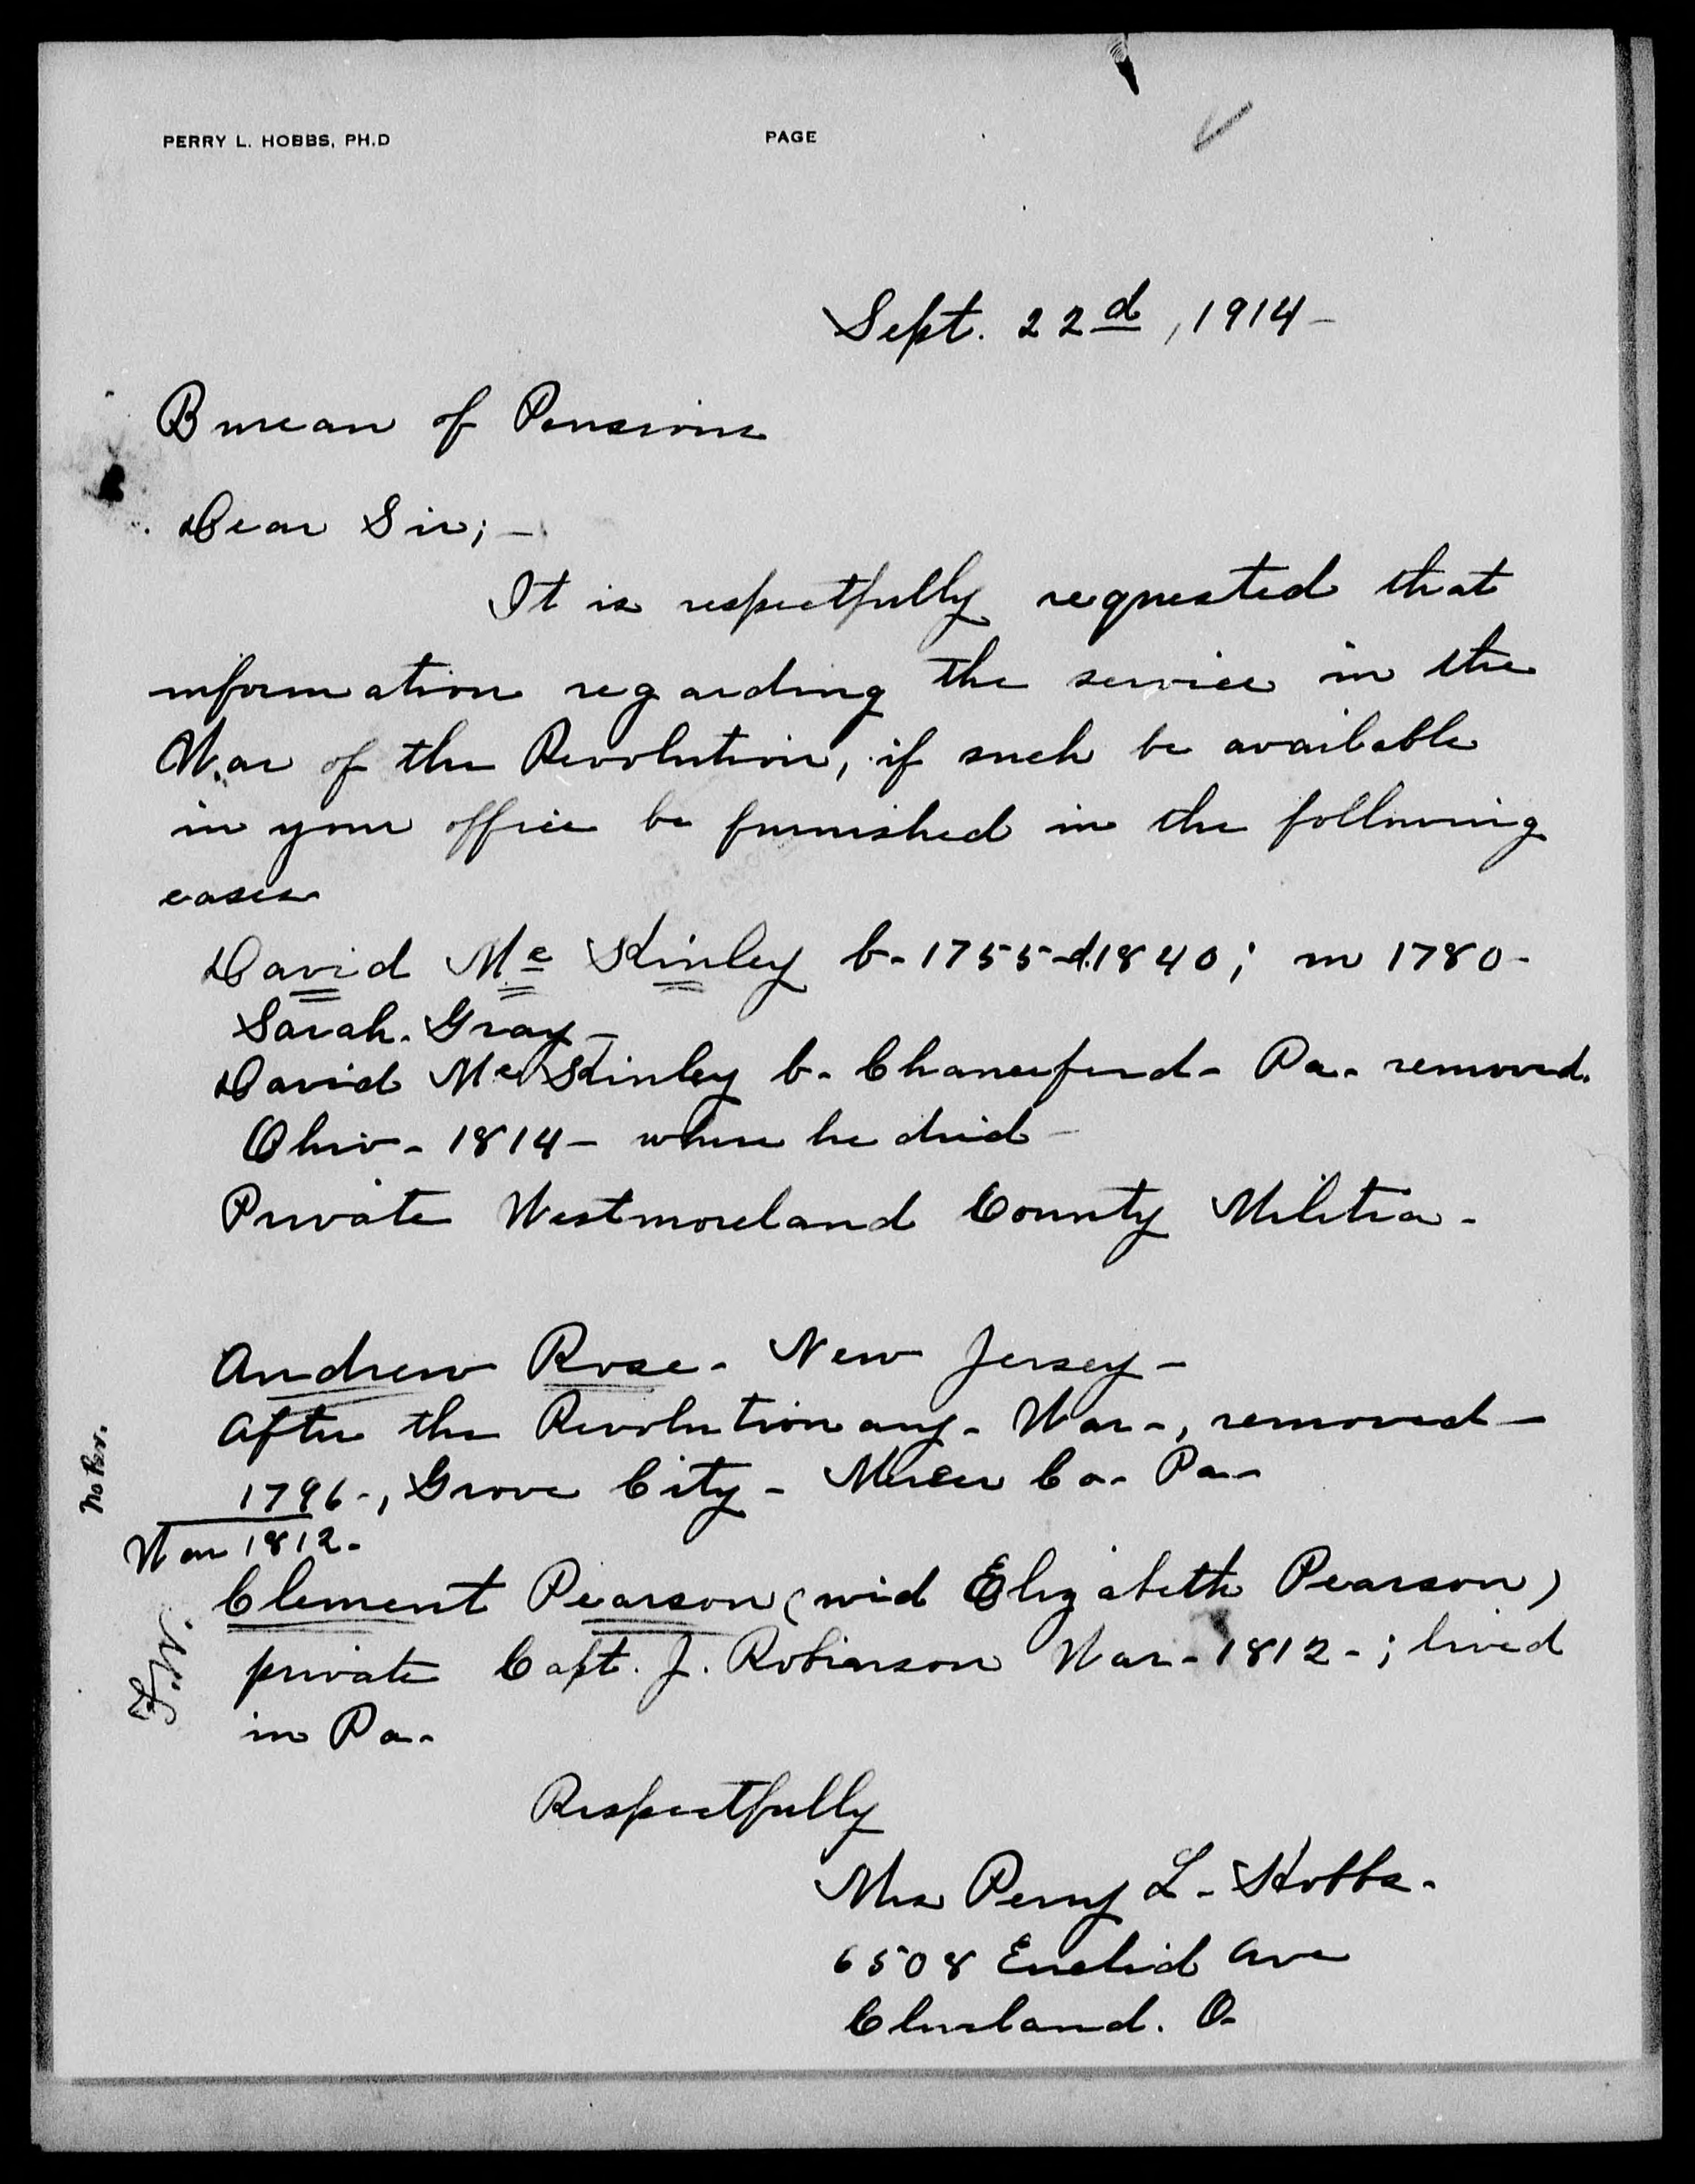[letterhead]
PERRY L. HOBBS, PH.D.    PAGE

[handwritten letter]
Sept. 22d, 1914

Bureau of Pensions

Dear Sir:-
It is respectfully requested that
information regarding the service in the
War of the Revolution, if such be available
in your office be furnished in the following
cases

David McKinley b. 1755, d. 1840; in 1780 -
Sarah Gray
David McKinley b. Chanceford Pa. removed
Ohio, 1814 - where he died -
Private Westmoreland County Militia

Andrew Rose. New Jersey
After the Revolutionary War, removed-
1796, Grove City, Mercer Co. Pa.
War 1812
Clement Pearson (wid Elizabeth Pearson)
private Capt. J. Robinson War 1812; lived
in Pa.
[margin] F. W.

Respectfully
Mrs. Perry L Hobbs
6508 Euclid Ave
Cleveland, O.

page: 27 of 39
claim: survivor's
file: S. 2812, for David Mc Kinley, Pennsylvania